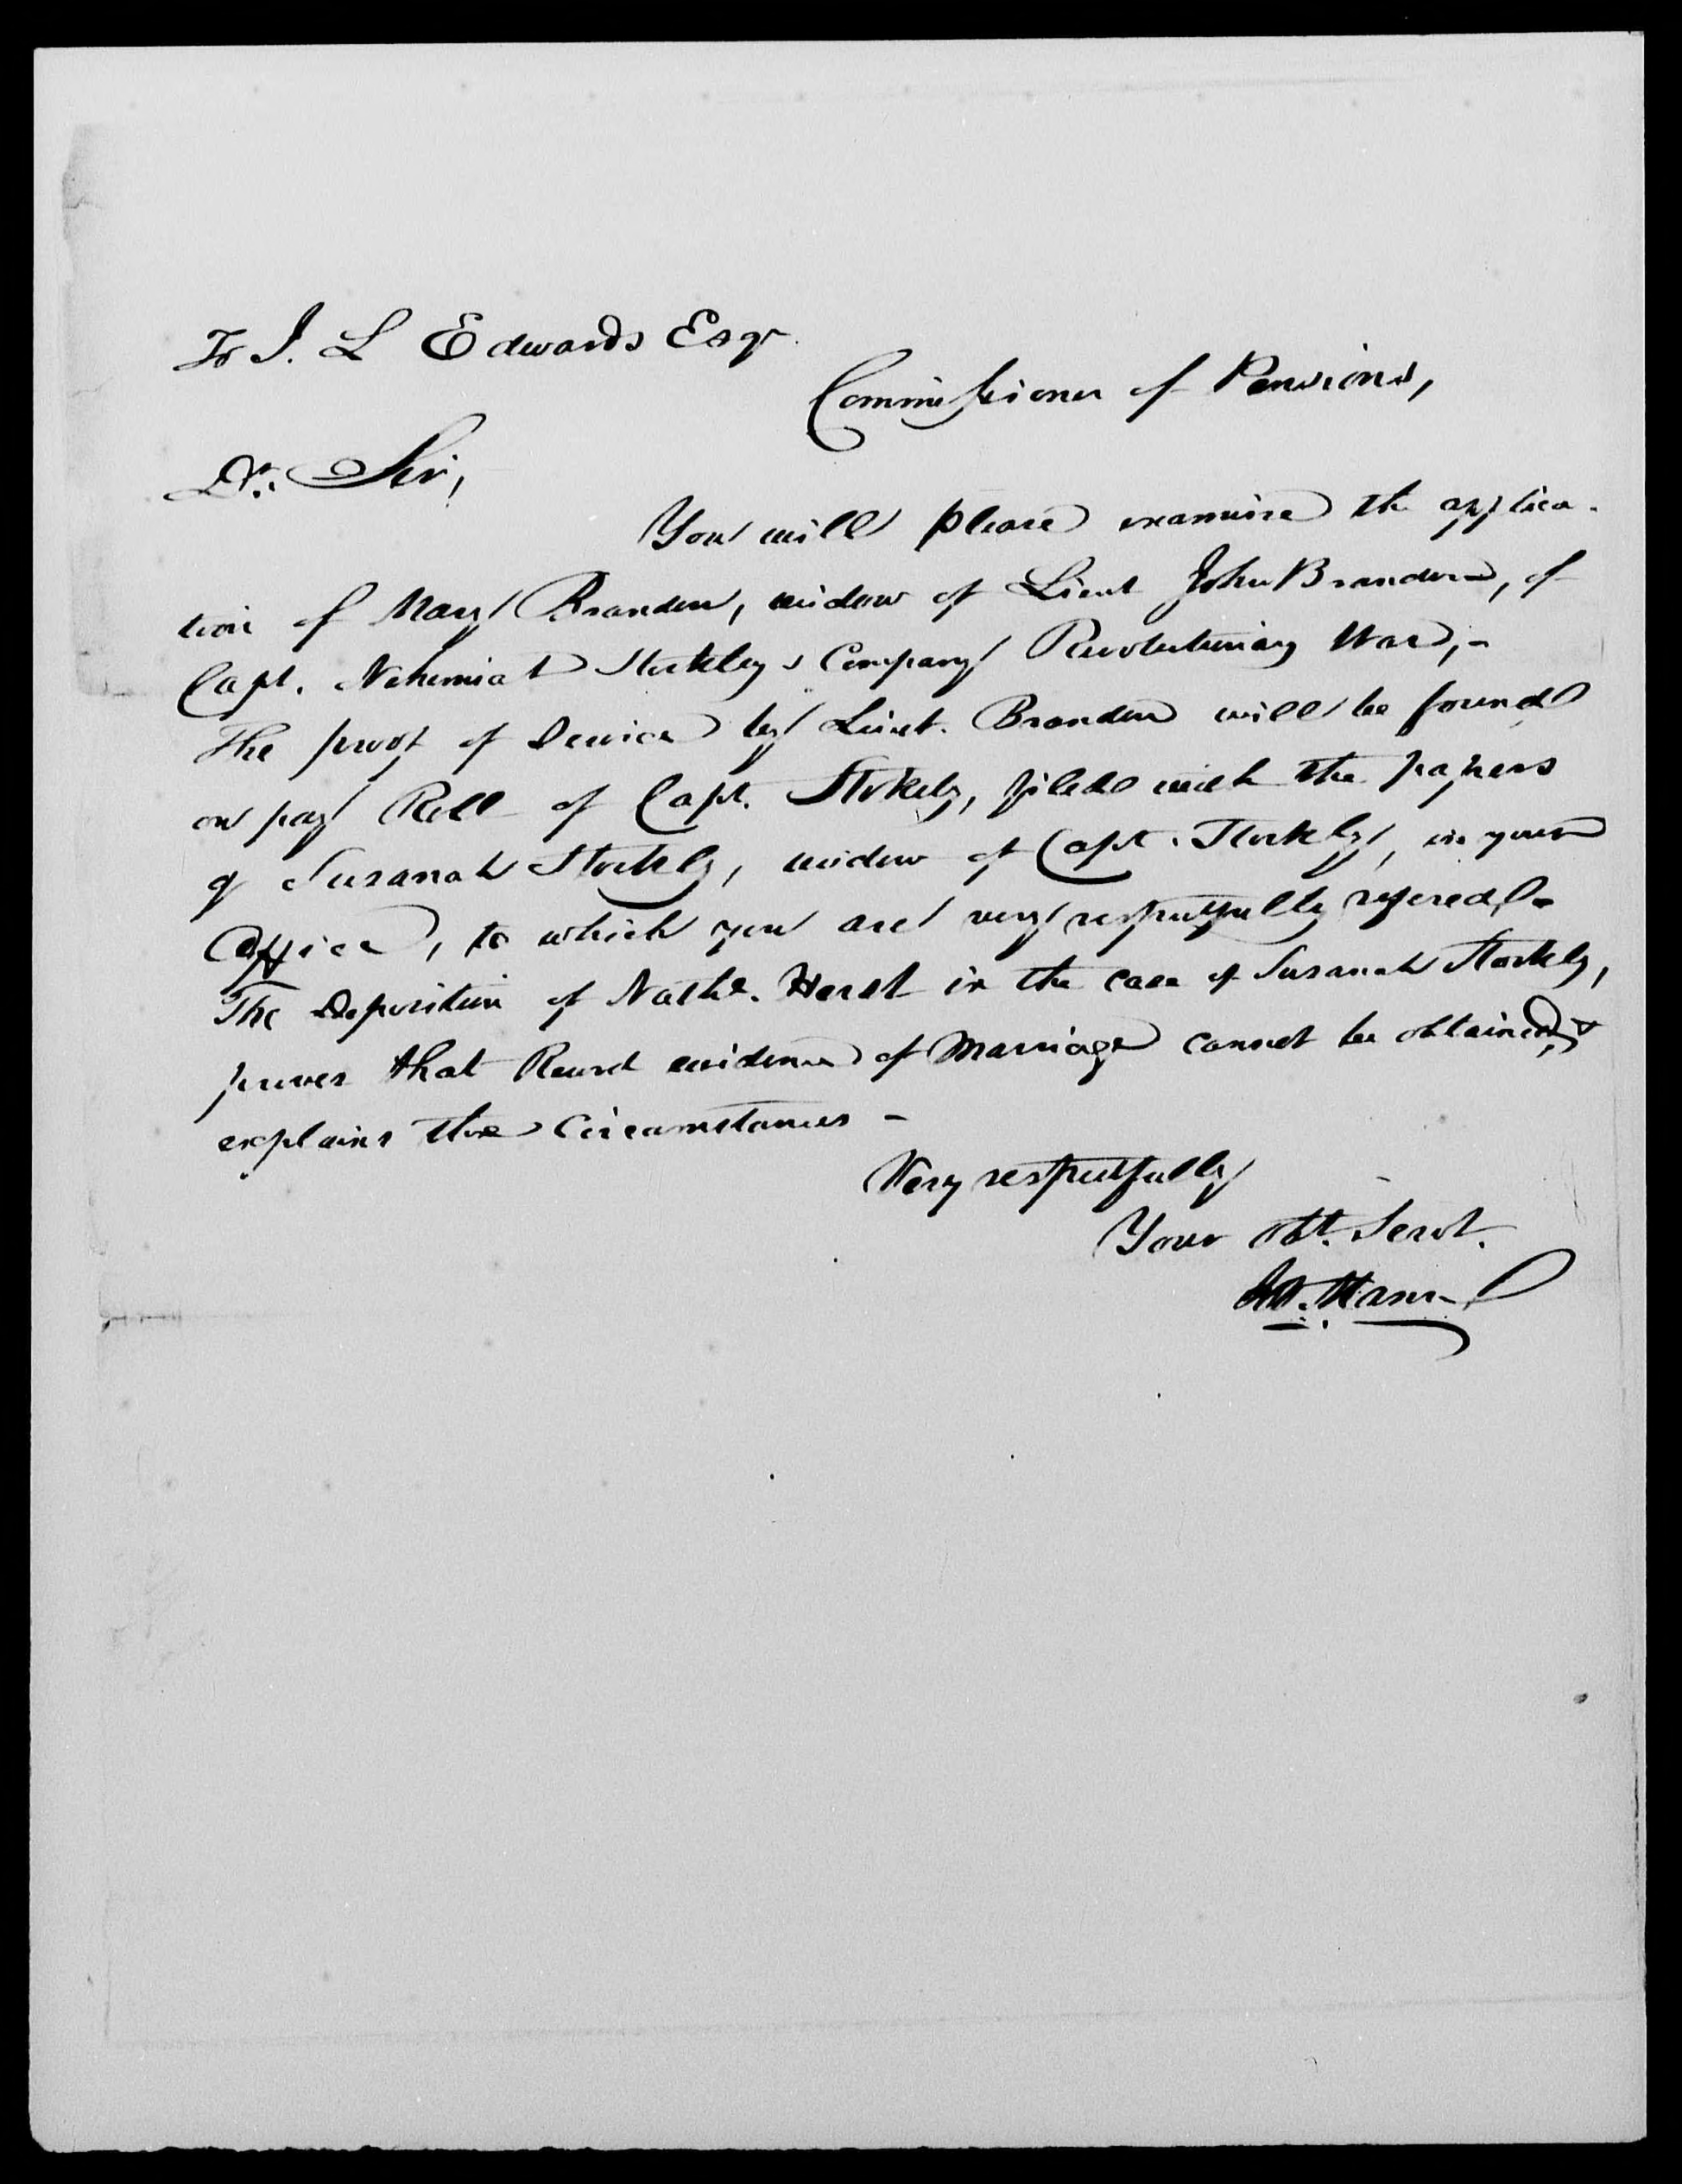To J. L Edwards Esq.
Commissioner of Pensions,
Dr. Sir,
You will please examine the application of Mary Brandon, widow of Lieut John Brandon, of Capt. Nehemiah Stockleys Company Revolutionary War,- The proof of service by Lieut. Brandon will be found on pay Roll of Capt. Stockly, filed with the papers of Susanah Stockly, widow of Capt. Stockly, in your Office, to which you are very respectfully referred. The Deposition of Nathl. Herst in the case of Susanah Stockly, proves that Record evidence of marriage cannot be obtained & explains the circumstances -
Very respectfully
Your obt. Servt.
Job Mann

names: Stockly, Susanah Stockly, Nathl Harst, Stokely, Susanah Stockly, Brandon, Job Mann, Nehemiah Stockley, John Brandon, Mary Brandon, J L Edwards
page: 41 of 83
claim: widow's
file: W. 5946, John Brandon, Penn